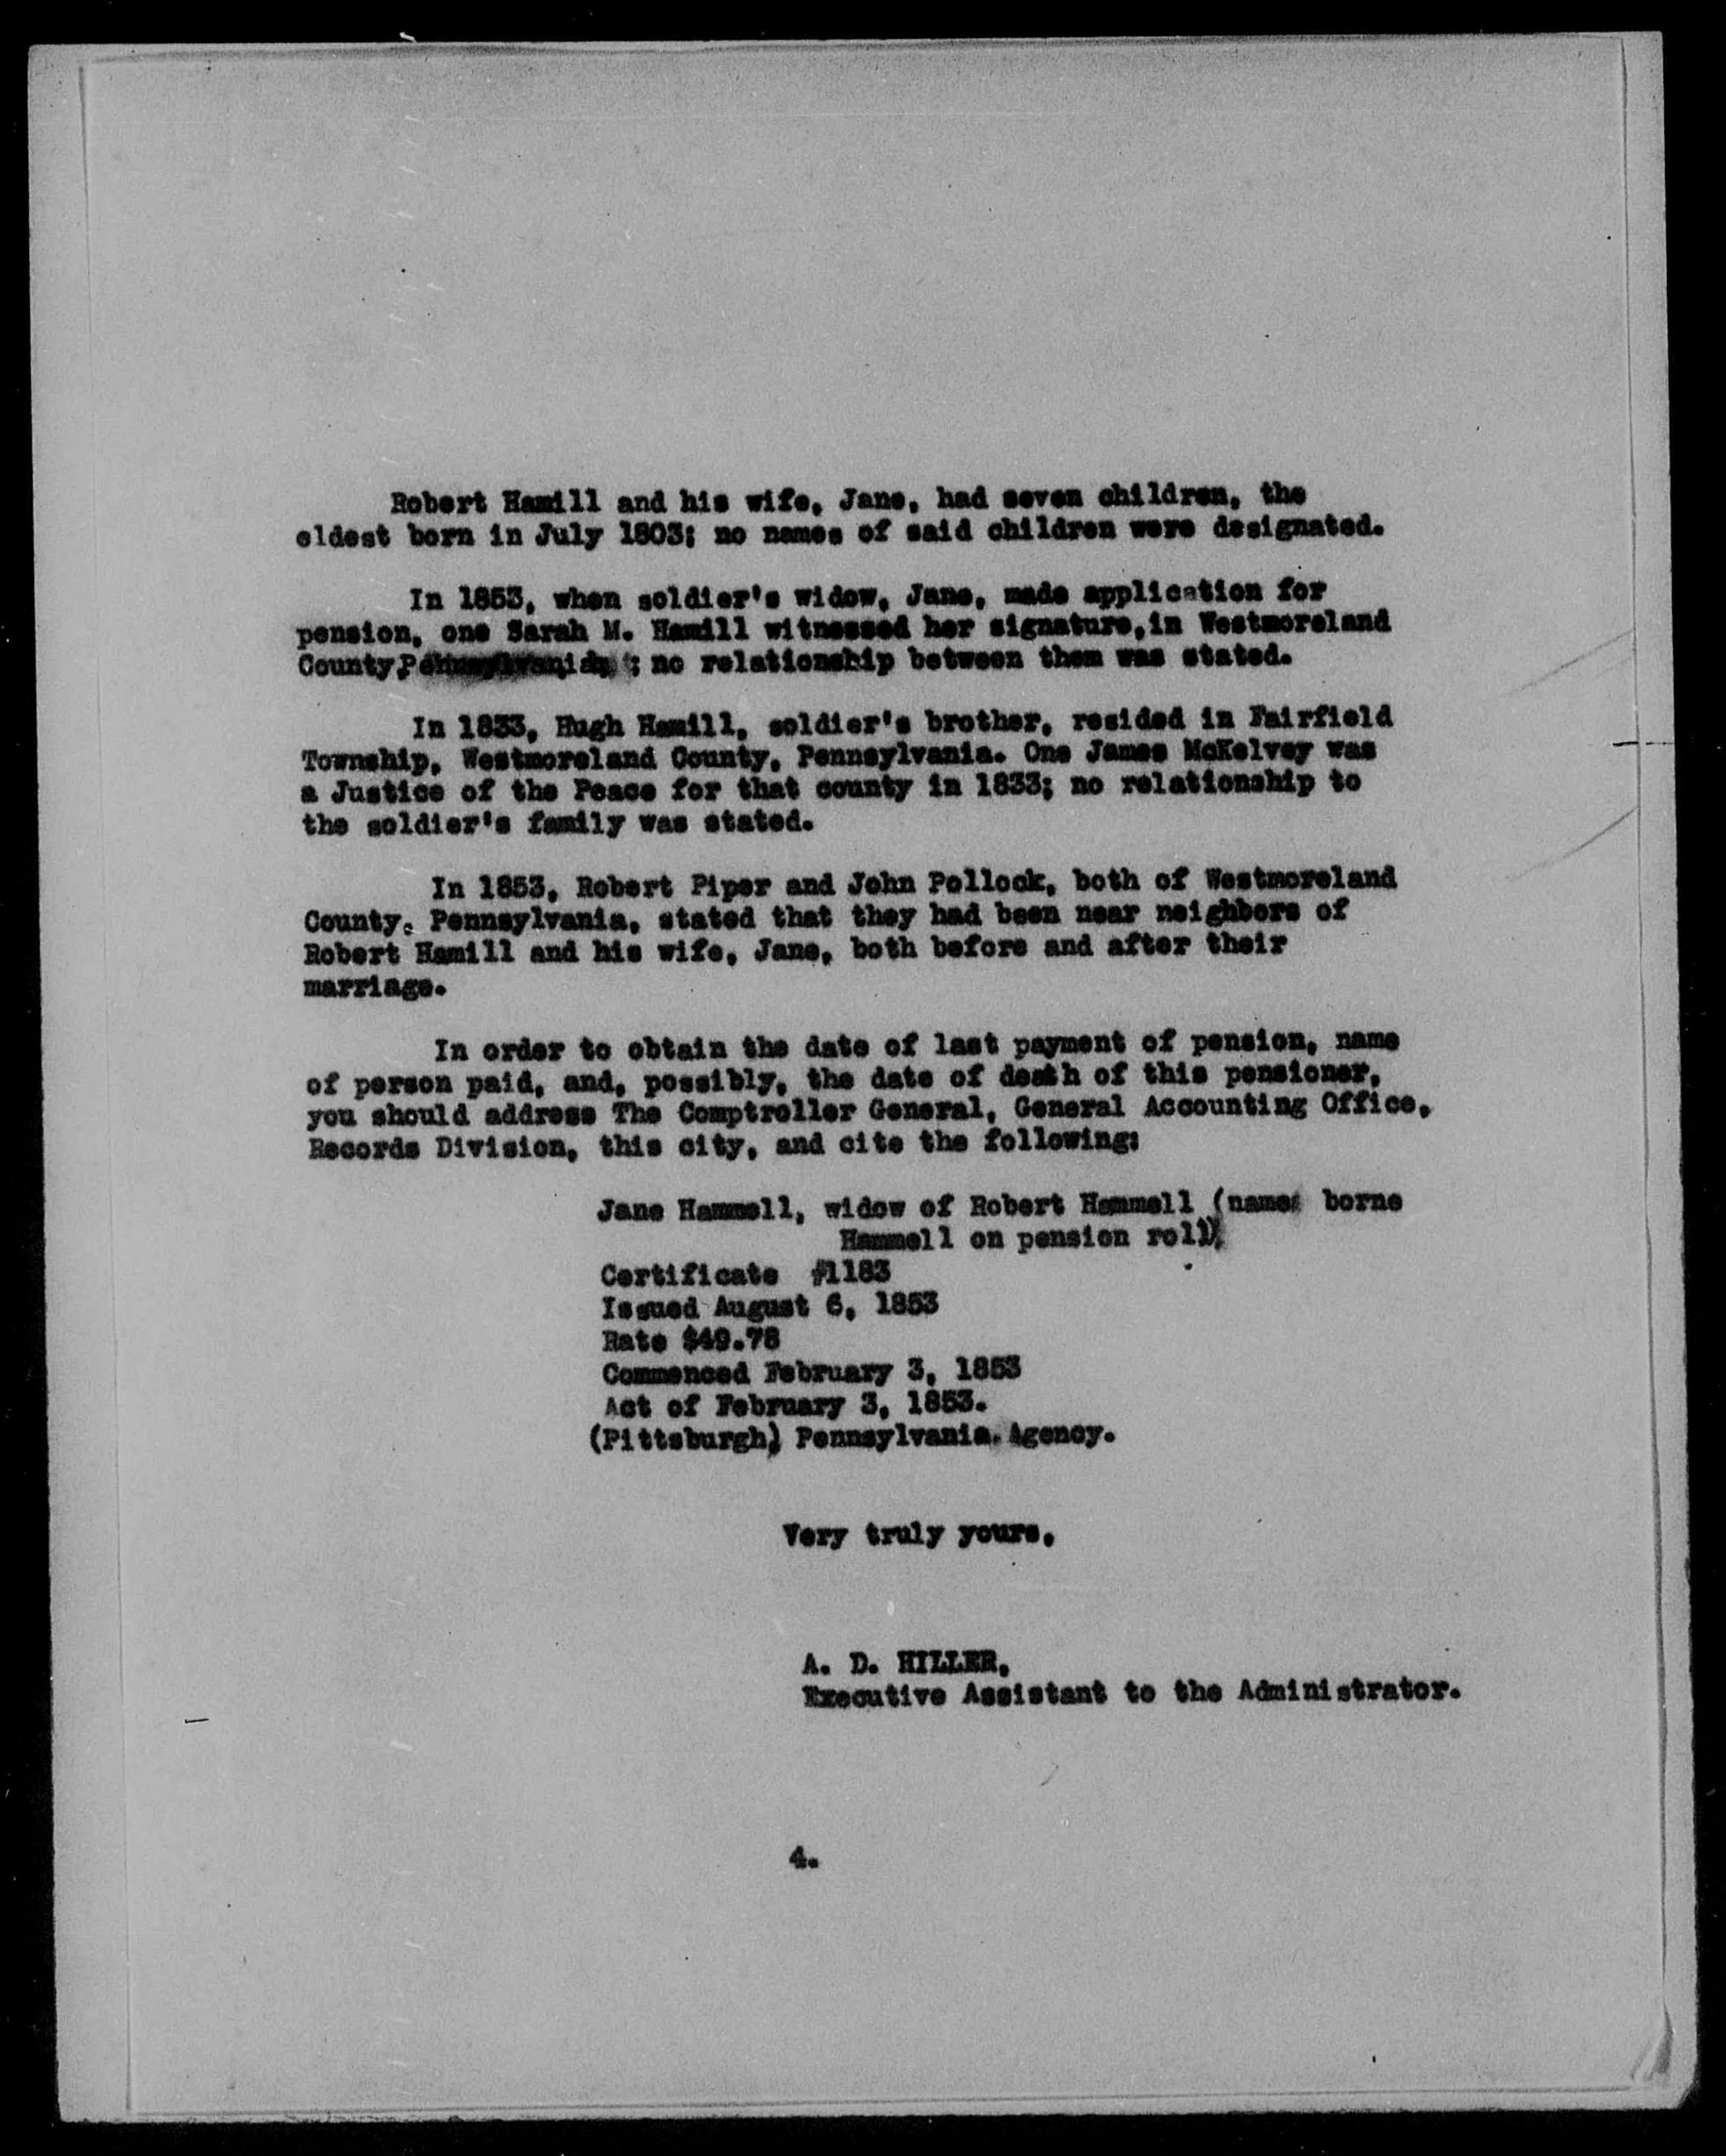Robert Hamill and his wife, Jane, had seven children, the eldest born in July,1805; no names of said children were designated.

In 1833, Hugh Hamill, soldier's brother, resided in Fairfield Township, Westmoreland County, Pennsylvania.  One James McKelvey, a Justice of the Peace for that county in 1833; no relationship to the soldier's family was stated. 

In 1855, when soldier's widow, Jane, made application for pension, one Sarah M. Hamill witnessed her signature, in Westmoreland County, Pennsylvania, but no relationship between them was stated.

In 1853, Robert Piper and John Pollock, both of Westmoreland County, Pennsylvania, stated that they had been near neighbors of Robert Hamill and his wife, Jane, both before and after their marriage.

In order to obtain the date of last payment of pension, name of person paid, and possibly the date of death of this pensioner, you should address The Comptroller General, General Accounting Office, Records Division, this city, and cite the following:
 Jane Hammell, widow of Robert Hammell (name borne Hammell on pension roll)
Certificate # 1183
Issued August 6, 1853
Rate $49.78
Commenced February 3, 1853
Act of February 3, 1853
(Pittsburgh) Pennsylvania Agency.

Very truly yours,
A. D. HILLER
Executive Assistant to the Administrator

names: Robert Piper, Robert Hamill, Robert Hammell, Hugh Hamill, James Mc Kelvey, Jane Hamill, Robert Hammell, Jane Hammell, Jane, A D Hiller, John Pollock, Jane Hamill, Sarah M Hamill, Robert Hamill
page: 42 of 92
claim: widow's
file: W 1173, Robert Hamill, Penn.